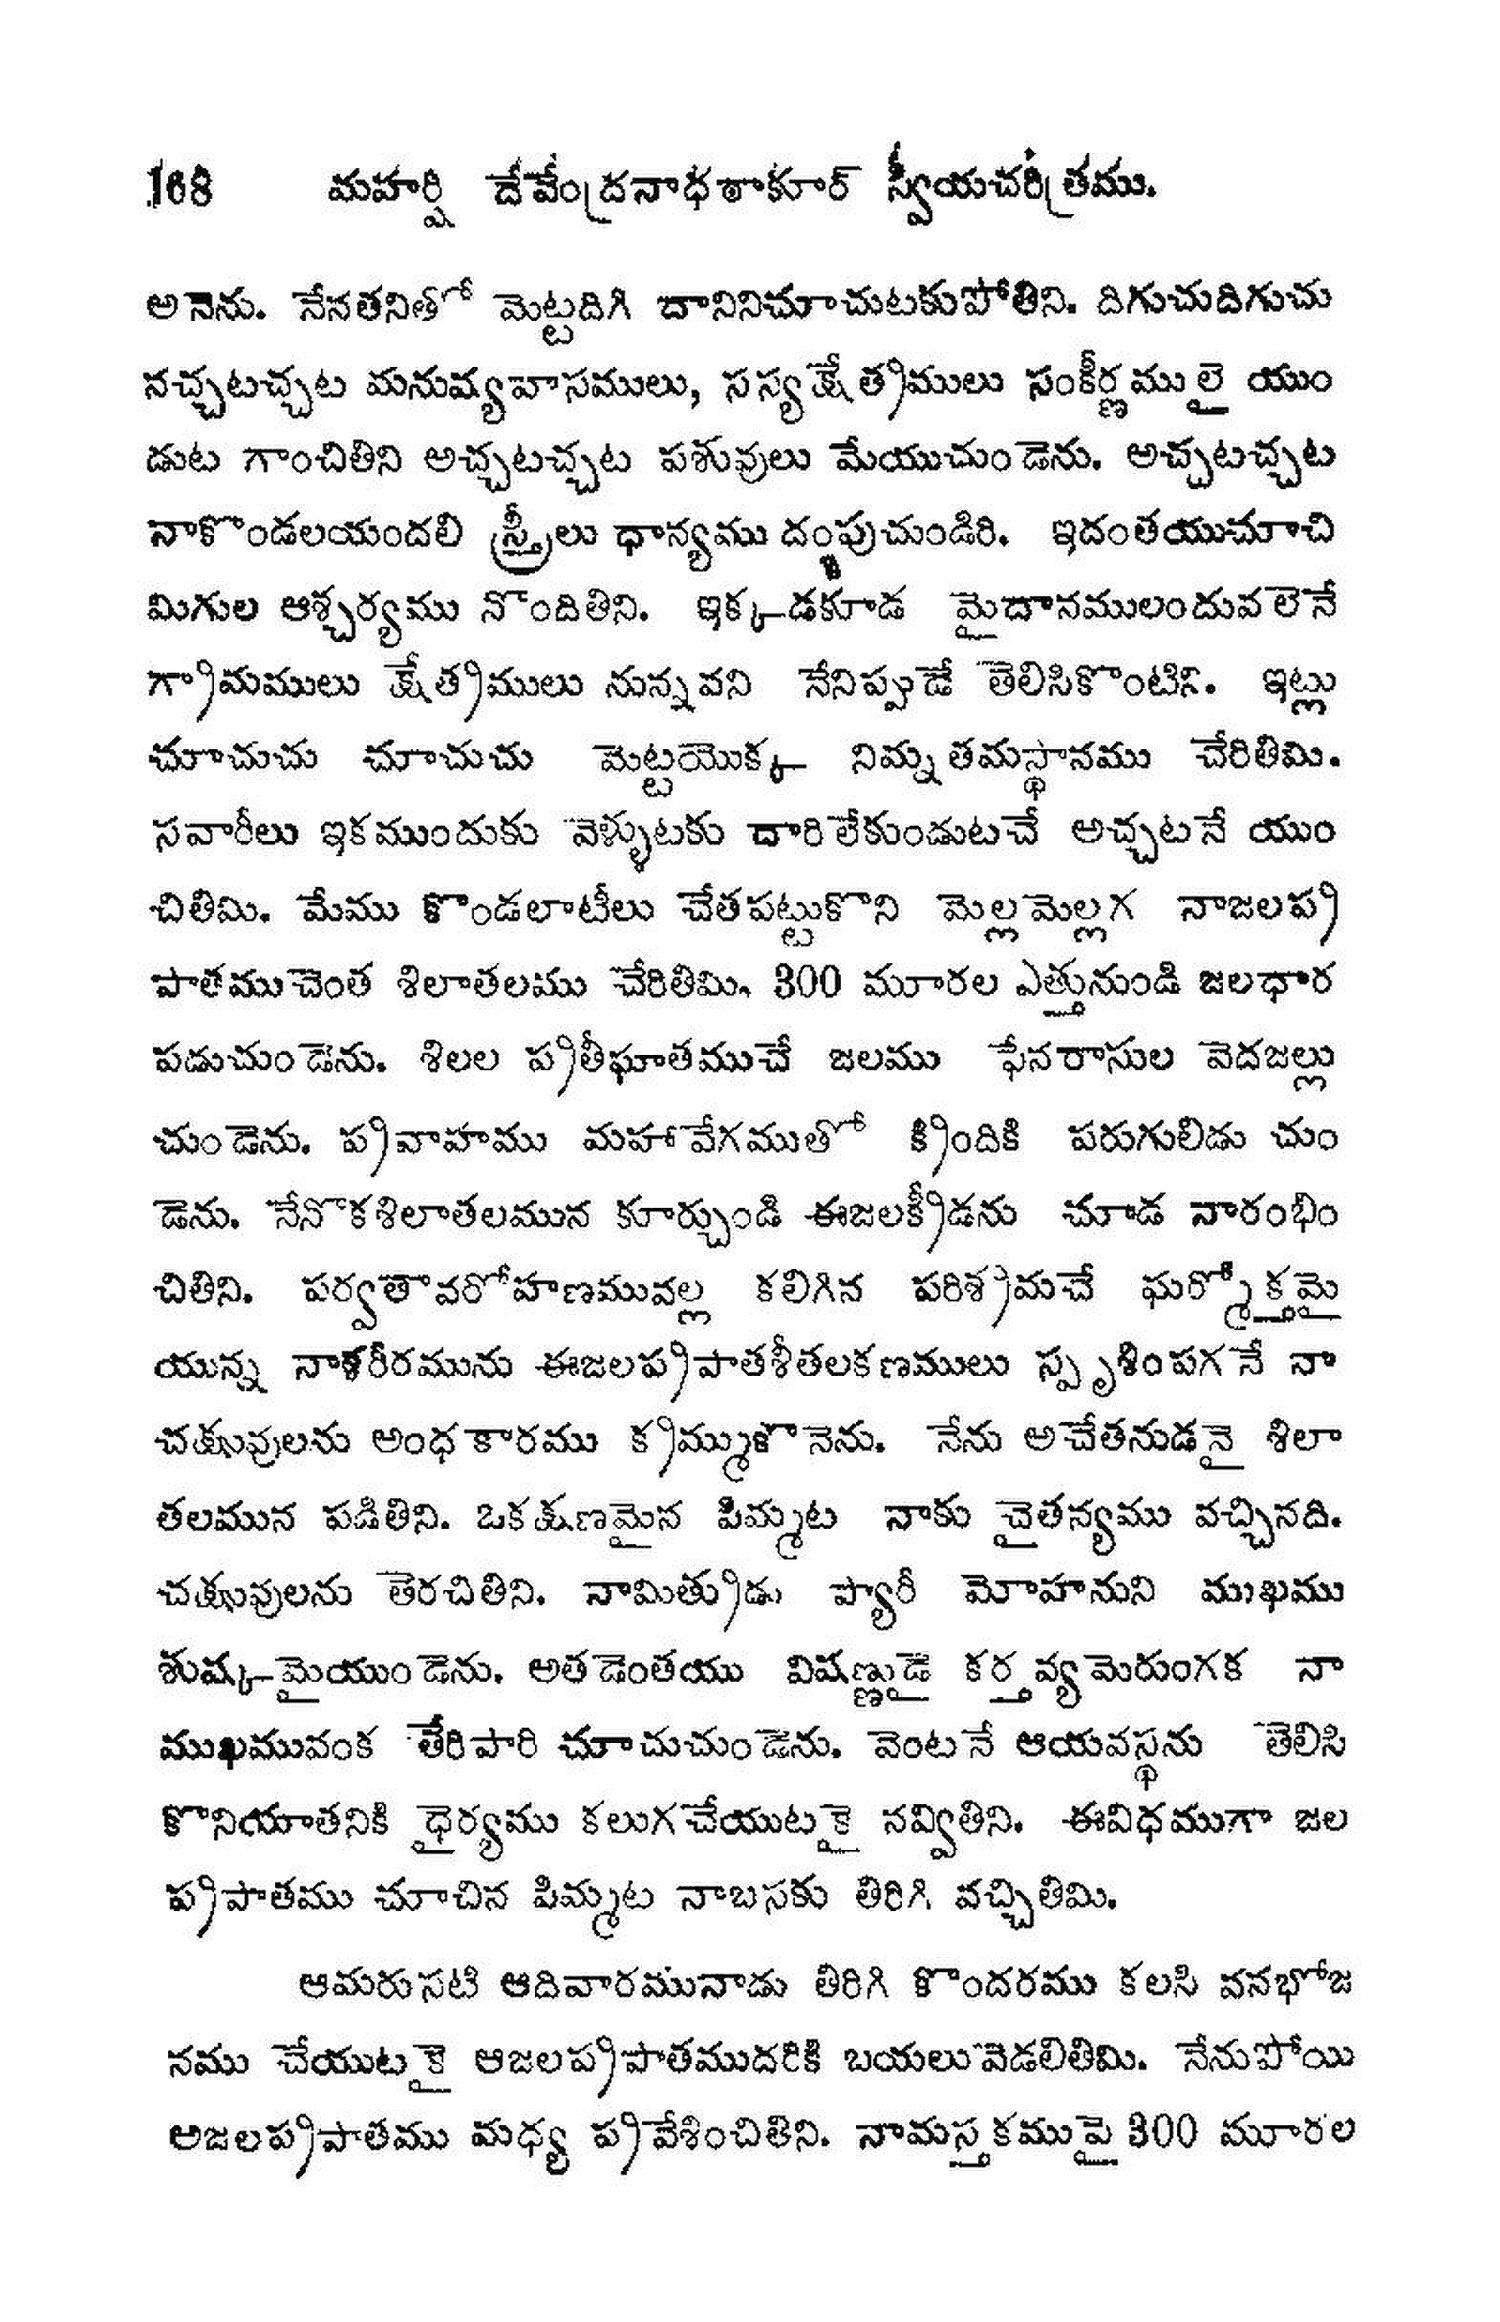అనెను. నేనతనితో " మెట్టదిగి దానిని చూచుటకుపోతిని. దిగుచు దిగుచు
సచ్చటచ్చట మనుష్య వాసములు, సస్య క్షేత్రములు సంకీర్ణము లై యుం
డుట గాంచితిని అచ్చటచ్చట పశువులు మేయుచుండెను. అచ్చటచ్చట
నాకొండల యందలి స్త్రీలు ధాన్యము దంపుచుండిరి. ఇదంతయు చూచి
మిగుల ఆశ్చర్యము నొందితిని. ఇక్కడకూడ మైదానములందు వలెనే
గ్రామములు క్షేత్రములు నున్నవని నేనిప్పుడే తెలిసికొంటిని?. ఇట్లు
చూచుచు చూచుచు మెట్టయొక్క నిమ్న తమస్థానము చేరితిమి.
సవారీలు ఇక ముందుకు "వెళ్ళుటకు దారి లేకుండుటచే అచ్చటనే యుం
చితిమి. మేము కొండలాటీలు చేత పట్టుకొని మెల్ల మెల్లగ నాజలప్ర
పాతము చెంత శిలాతలము చేరితిమి, 300 మూరల ఎత్తునుండి జలధార
పడుచుండెను. శిలల ప్రతీఘాతముచే జలము ఫేనరాసుల వెదజల్లుచుండెను. ప్రవాహము మహా వేగముతో కిందికి పరుగులిడు చుండెను. 'నేనొక శిలాతలమున కూర్చుండి ఈజలక్రీడను చూడ నారంభించితిని. పర్వతావరోహణమువల్ల కలిగిన పరిశ్రమచే ఘర్మోక్తమైయున్న నాశరీరమును ఈజలప్ర పాత శీతలకణములు 
స్పృశింపగ నే నాచక్షువులను అంధ కారము కమ్ముకొనెను. నేను అచేతనుడనై 
శిలాతలమున పడితిని. ఒక క్షణమైన పిమ్మట నాకు చైతన్యము వచ్చినది.
చక్షువులను తెరచితిని, నామిత్రుడు ప్యారీ మోహనుని ముఖము
శుష్కమైయుం డెను. అత డెంతయు విషజ్ఞుడై కర్తవ్య మెరుంగక 
నాముఖమువంక తేరి పారి చూచుచుండెను. వెంటనే ఆయవస్థను
తెలిసి కొనియాతనికి ధైర్యము కలుగ చేయుటకై నవ్వితిని. ఈవిధముగా జల
ప్రపాతము చూచిన పిమ్మట నాబసకు తిరిగి వచ్చి తిమి.

ఆమరుసటి ఆదివారమునాడు తిరిగి కొందరము కలసి వనభోజునము 
చేయుట కై ఆజల ప్రపాతముదరికి బయలు వెడలితిమి. నేను పోయి
అజలప్రపాతము మధ్య ప్రవేశించితిని. నామస్తకము పై 300 మూరల